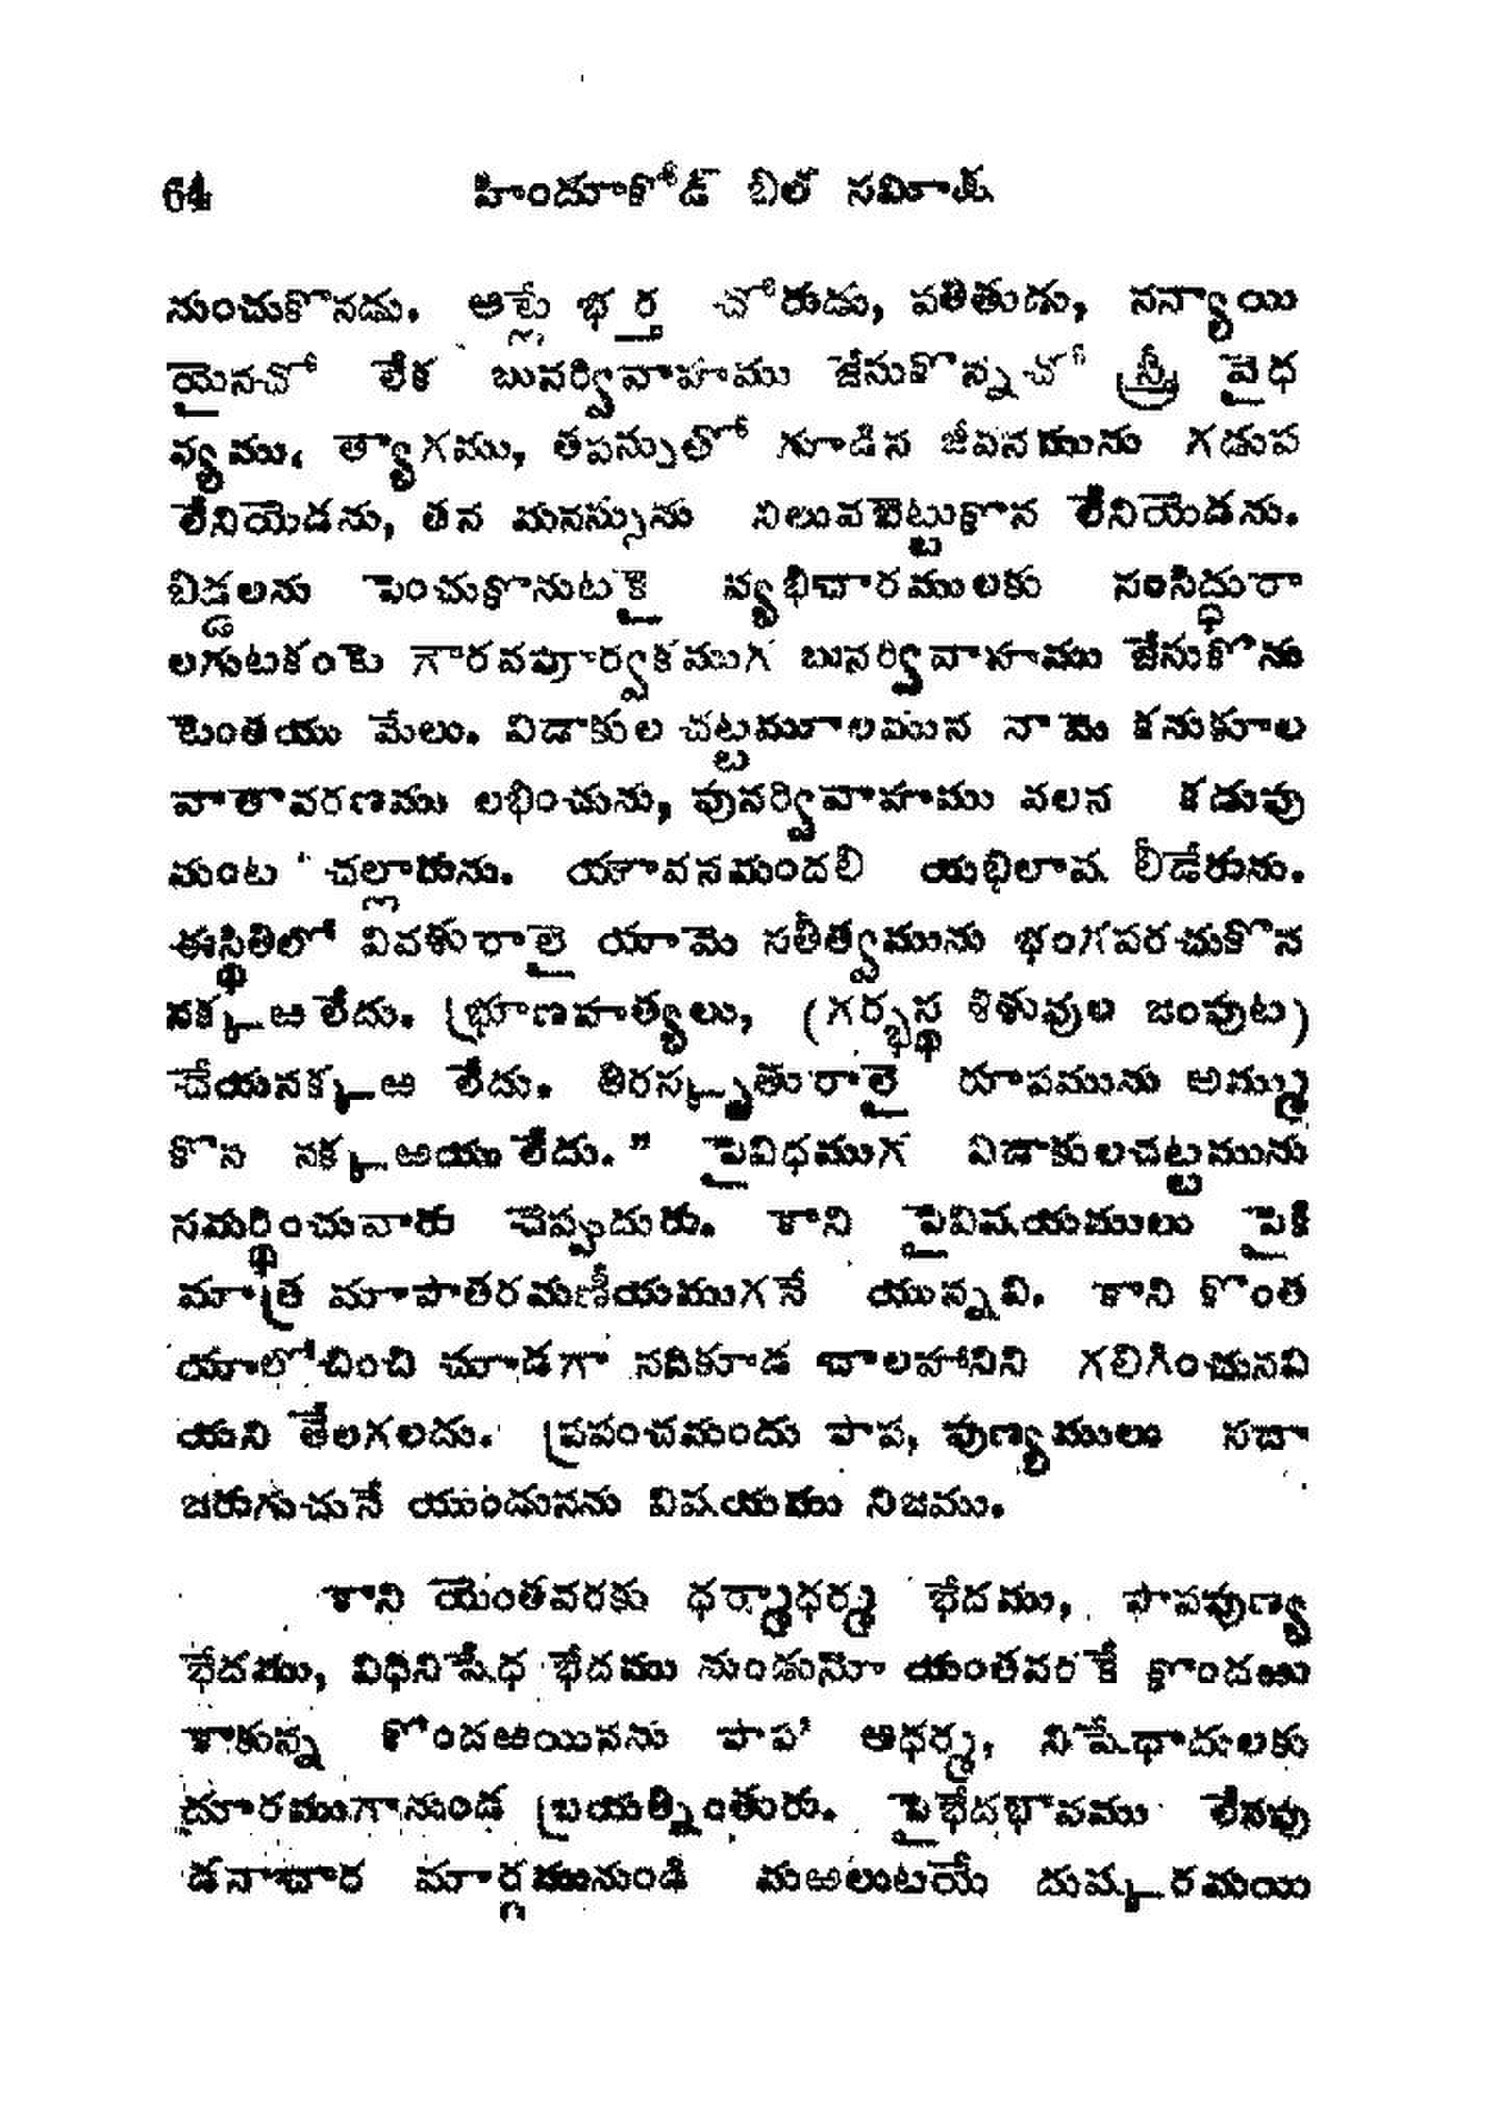నుంచుకొనడు. అట్లే భర్త చోరుడు, పతితుడు, నన్యాయి 
యైనచో లేక బునర్వివాహము జేసుకొన్నచో స్త్రీ వైధవ్యము, 
త్యాగము, తపస్సుతో గూడిన జీవనమును గడుప
లేనియెడను, తన మనస్సును నిలువబెట్టుకొన లేనియెడను.
బిడ్డలను పెంచుకొనుటకై వ్యభిచారములకు సంసిద్ధురా
లగుటకంటె గౌరవపూర్వకముగ బునర్వివాహము జేసుకొను
టెంతయు మేలు, విడాకుల చట్టమూలమున నామె కనుకూల
వాతావరణము లభించును, పునర్వివాహము వలన కడుపు 
మంట చల్లారును. యౌవనమందలి యభిలాష లీడేరును.
ఈస్థితిలో వివశురాలై యామె సతీత్వమును భంగపరచుకొన
నక్కఱ లేదు. భ్రూణహత్యలు, (గర్భస్థ శిశువుల జంపుట)
చేయనక్కఱ లేదు. తిరస్కృతురాలై రూపమును అమ్ముకొన 
నక్కఱయు లేదు. పైవిధముగ విడాకులచట్టమును
సమర్థించువారు చెప్పుదురు. కాని పైవిషయములు పైకి
మాత్ర మాపాతరమణీయముగనే యున్నవి. కాని కొంత
యాలోచించి చూడగా నదికూడ చాలహానిని గలిగించునవి
యని తేలగలదు. ప్రపంచమందు పాప, పుణ్యములు సదా
జరుగుచునే యుండునను విషయము నిజము.

కాని యెంతవరకు ధర్మాధర్మ భేదము, పాపపుణ్య
భేదము, విధినిషేధ భేదము నుండుమో యంతవరకే కొందఱు
కాకున్న కొందఱయినను పాప అధర్మ, నిషేధాదులకు
దూరముగానుండ బ్రయత్నింతురు. పైభేదభావము లేనపు
డనాచార మార్గమునుండి మఱలు టయే దుష్కరమయి